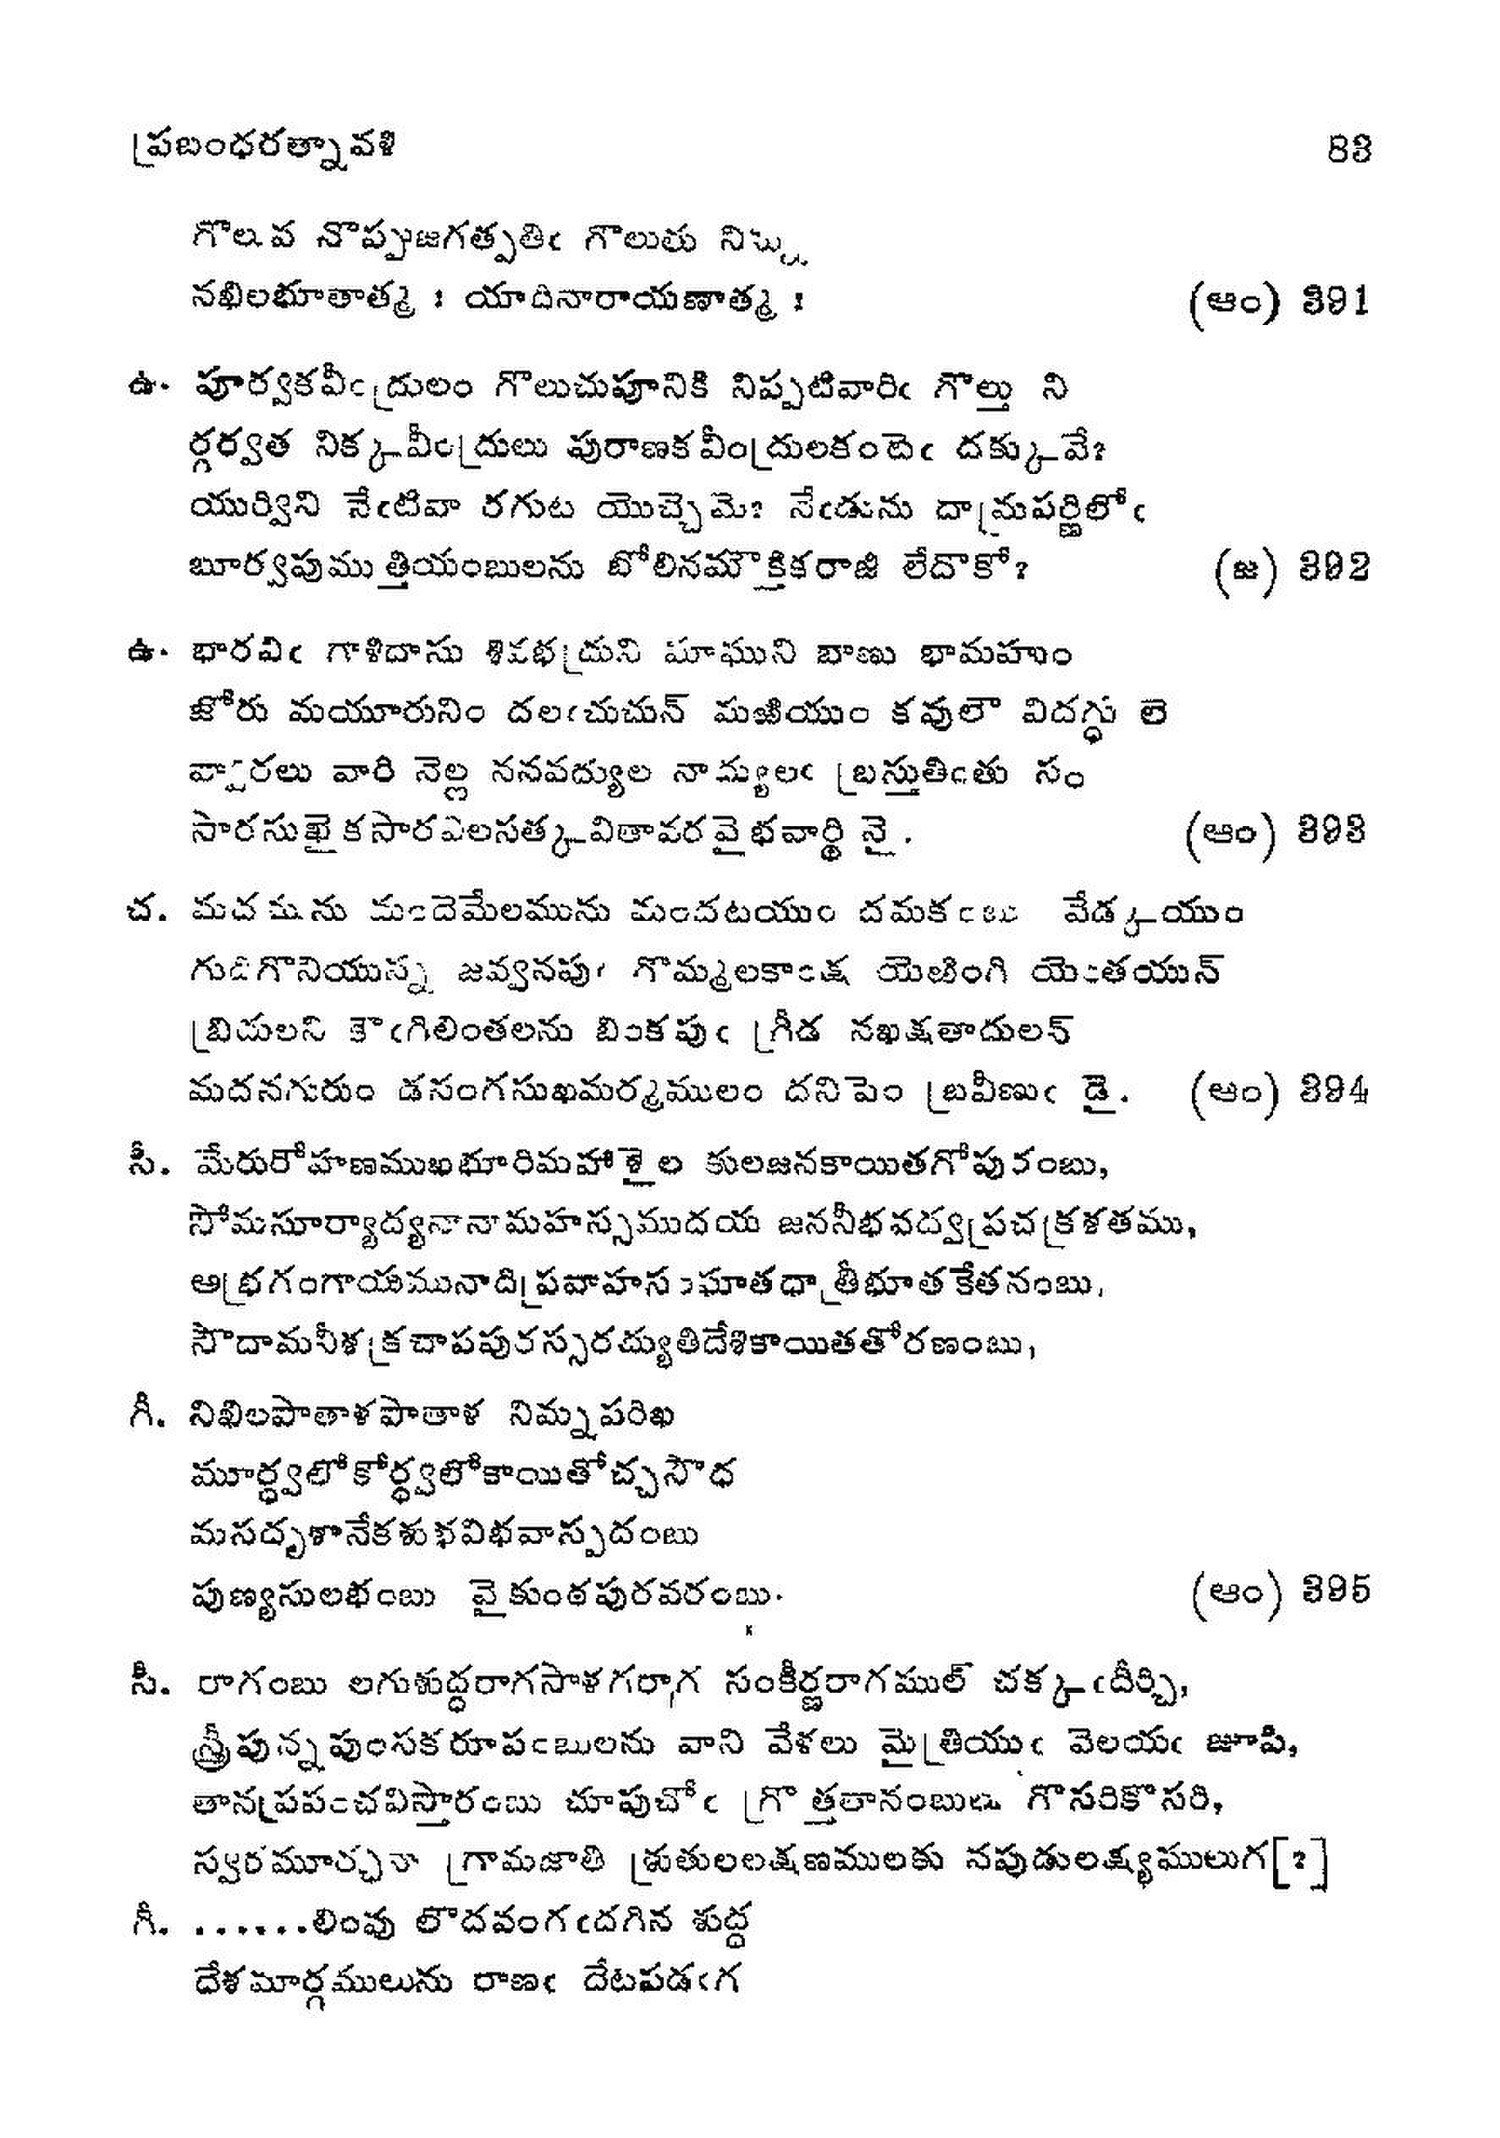గొలువ నొప్పుజగత్పతిఁ గొలుతు నిన్ను
నఖిలభూతాత్మ! యాదినారాయణాత్మ! (ఆం) 391

ఉ. పూర్వకవీంద్రులం గొలుచుపూనికి నిప్పటివారిఁ గొల్తు ని
ర్గర్వత నిక్కవీంద్రులు పురాణకవీంద్రులకంటెఁ దక్కువే?
యుర్విని నేఁటివారగుట యొచ్చెమె? నేఁడును దామ్రపర్ణిలోఁ
బూర్వపుముత్తియంబులను బోలిన మౌక్తికరాజి లేదొకో? (జ) 392

ఉ. భారవిఁ గాళిదాసు శివభద్రుని మాఘుని బాణు భామహుం
జోరు మయూరునిం దలఁచుచున్ మఱియుం గవులౌ విదగ్ధు లె
వ్వారలు వారినెల్ల ననవద్యుల నాద్యులఁ బ్రస్తుతింతు సం
సార సుఖైకసార విలసత్కవితా వర వైభవార్థినై. (ఆం) 393

చ. మదమును మందెమేలమును మందటయుం దమకంబు వేడ్కయుం
గుదిగొనియున్న జవ్వనపుఁ గొమ్మలకాంక్ష యెఱింగి యెంతయున్
బ్రిదులని కౌఁగిలింతలను బింకపుఁ గ్రీడ నఖక్షతాదులన్
మదనగురుండనంగ సుఖమర్మములం దనిపెం బ్రవీణుఁడై. (ఆం) 394

సీ. మేరురోహణముఖ భూరిమహాశైల కులజనకాయిత గోపురంబు,
సోమసూర్యాద్యనానా మహస్సముదయ జననీభవద్వప్ర చక్రశతము,
అభ్రగంగాయమునాది ప్రవాహ సం ఘాత ధాత్రీభూతకేతనంబు,
సౌదామనీశక్రచాపపురస్సర ద్యుతిదేశికాయిత తోరణంబు,
గీ. నిఖిలపాతాళపాతాళ నిమ్నపరిఖ
మూర్ధ్వలోకోర్ధ్వలోకాయితోచ్చ సౌధ
మసదృశానేక శుభవిభవాస్పదంబు
పుణ్యసులభంబు వైకుంఠపురవరంబు. (ఆం) 395

సీ. రాగంబులగు శుద్ధరాగ సాళగరాగ సంకీర్ణరాగముల్ చక్కఁ దీర్చి,
స్త్రీ పు న్నపుంసక రూపంబులను వాని వేళలు మైత్రియు వెలయఁజూపి,
తాన ప్రపంచవిస్తారంబు చూపుచోఁ గ్రొత్తతానంబులు గొసరి కొసరి
స్వరమూర్ఛనా గ్రామజాతి శ్రుతుల లక్ష ణములకు నపుడు లక్ష్యములుగ[?]
గీ. ......లింపు లొదవంగఁదగిన శుద్ధ
దేశమార్గములను రాణఁ దేటపడఁగ